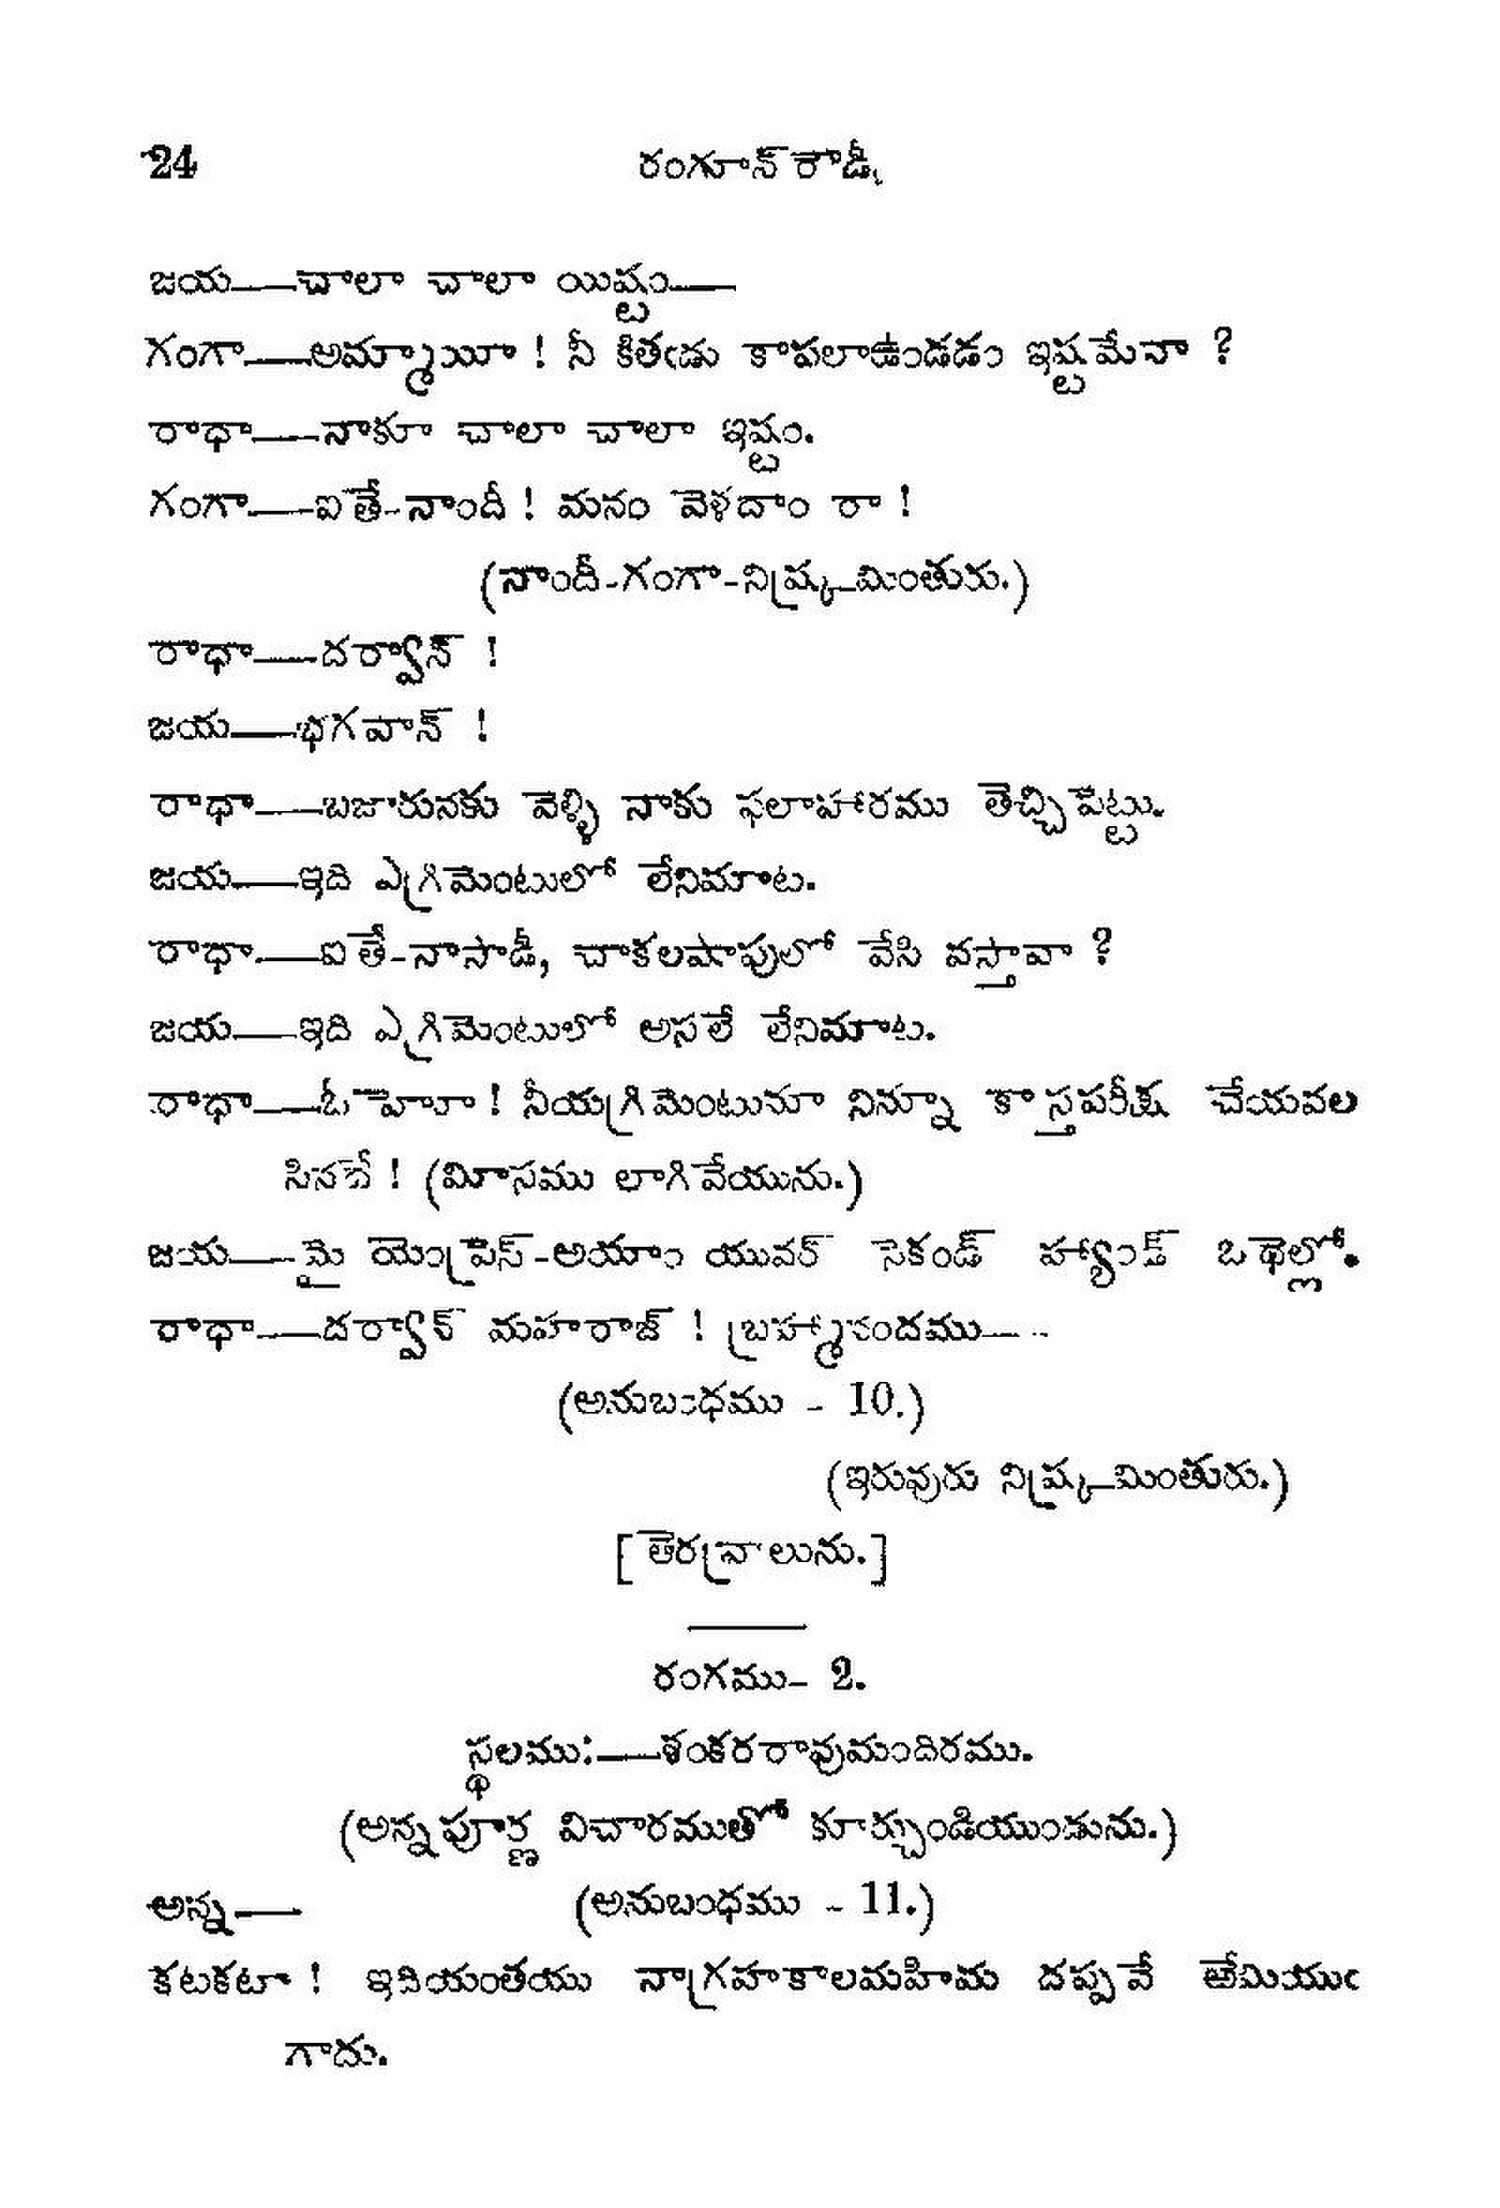జయ - చాలా చాలా యిష్టం

గంగా - అమ్మాయీ ! నీ కితఁడు కాపలాఉండడం ఇష్టమేనా ?

రాధా - నాకూ చాలా చాలా ఇష్టం.

గంగా - ఐతే - నాందీ ! మనం వెళదాం రా !

రాధా - దర్వాన్ !

జయ - భగవాన్ !

రాధా - బజారునకు వెళ్ళి నాకు ఫలాహారము తెచ్చిపెట్టు.

జయ - ఇది ఎగ్రిమెంటులో లేనిమాట.

రాధా - ఐతే-నాసాడీ, చాకలషాపులో వేసి వస్తావా ?

జయ - ఇది ఎగ్రిమెంటులో అసలే లేనిమాట.

రాధా -- ఓహెూ ! నీయగ్రిమెంటునూ నిన్నూ కాస్తపరీక్ష చేయవలసినదే ! (మీసము లాగివేయును.)

జయ - మై యెంప్రెస్ -అయాం యువర్ సెకండ్ హ్యాండ్ ఒథెల్లో.

రాధా - దర్వాన్ మహరాజ్ ! బ్రహ్మానందము...."

అన్న-

కటకటా ! ఇవియంతయు నాగ్రహకాలమహిమ దప్పవే ఱేమియుఁ గాదు.